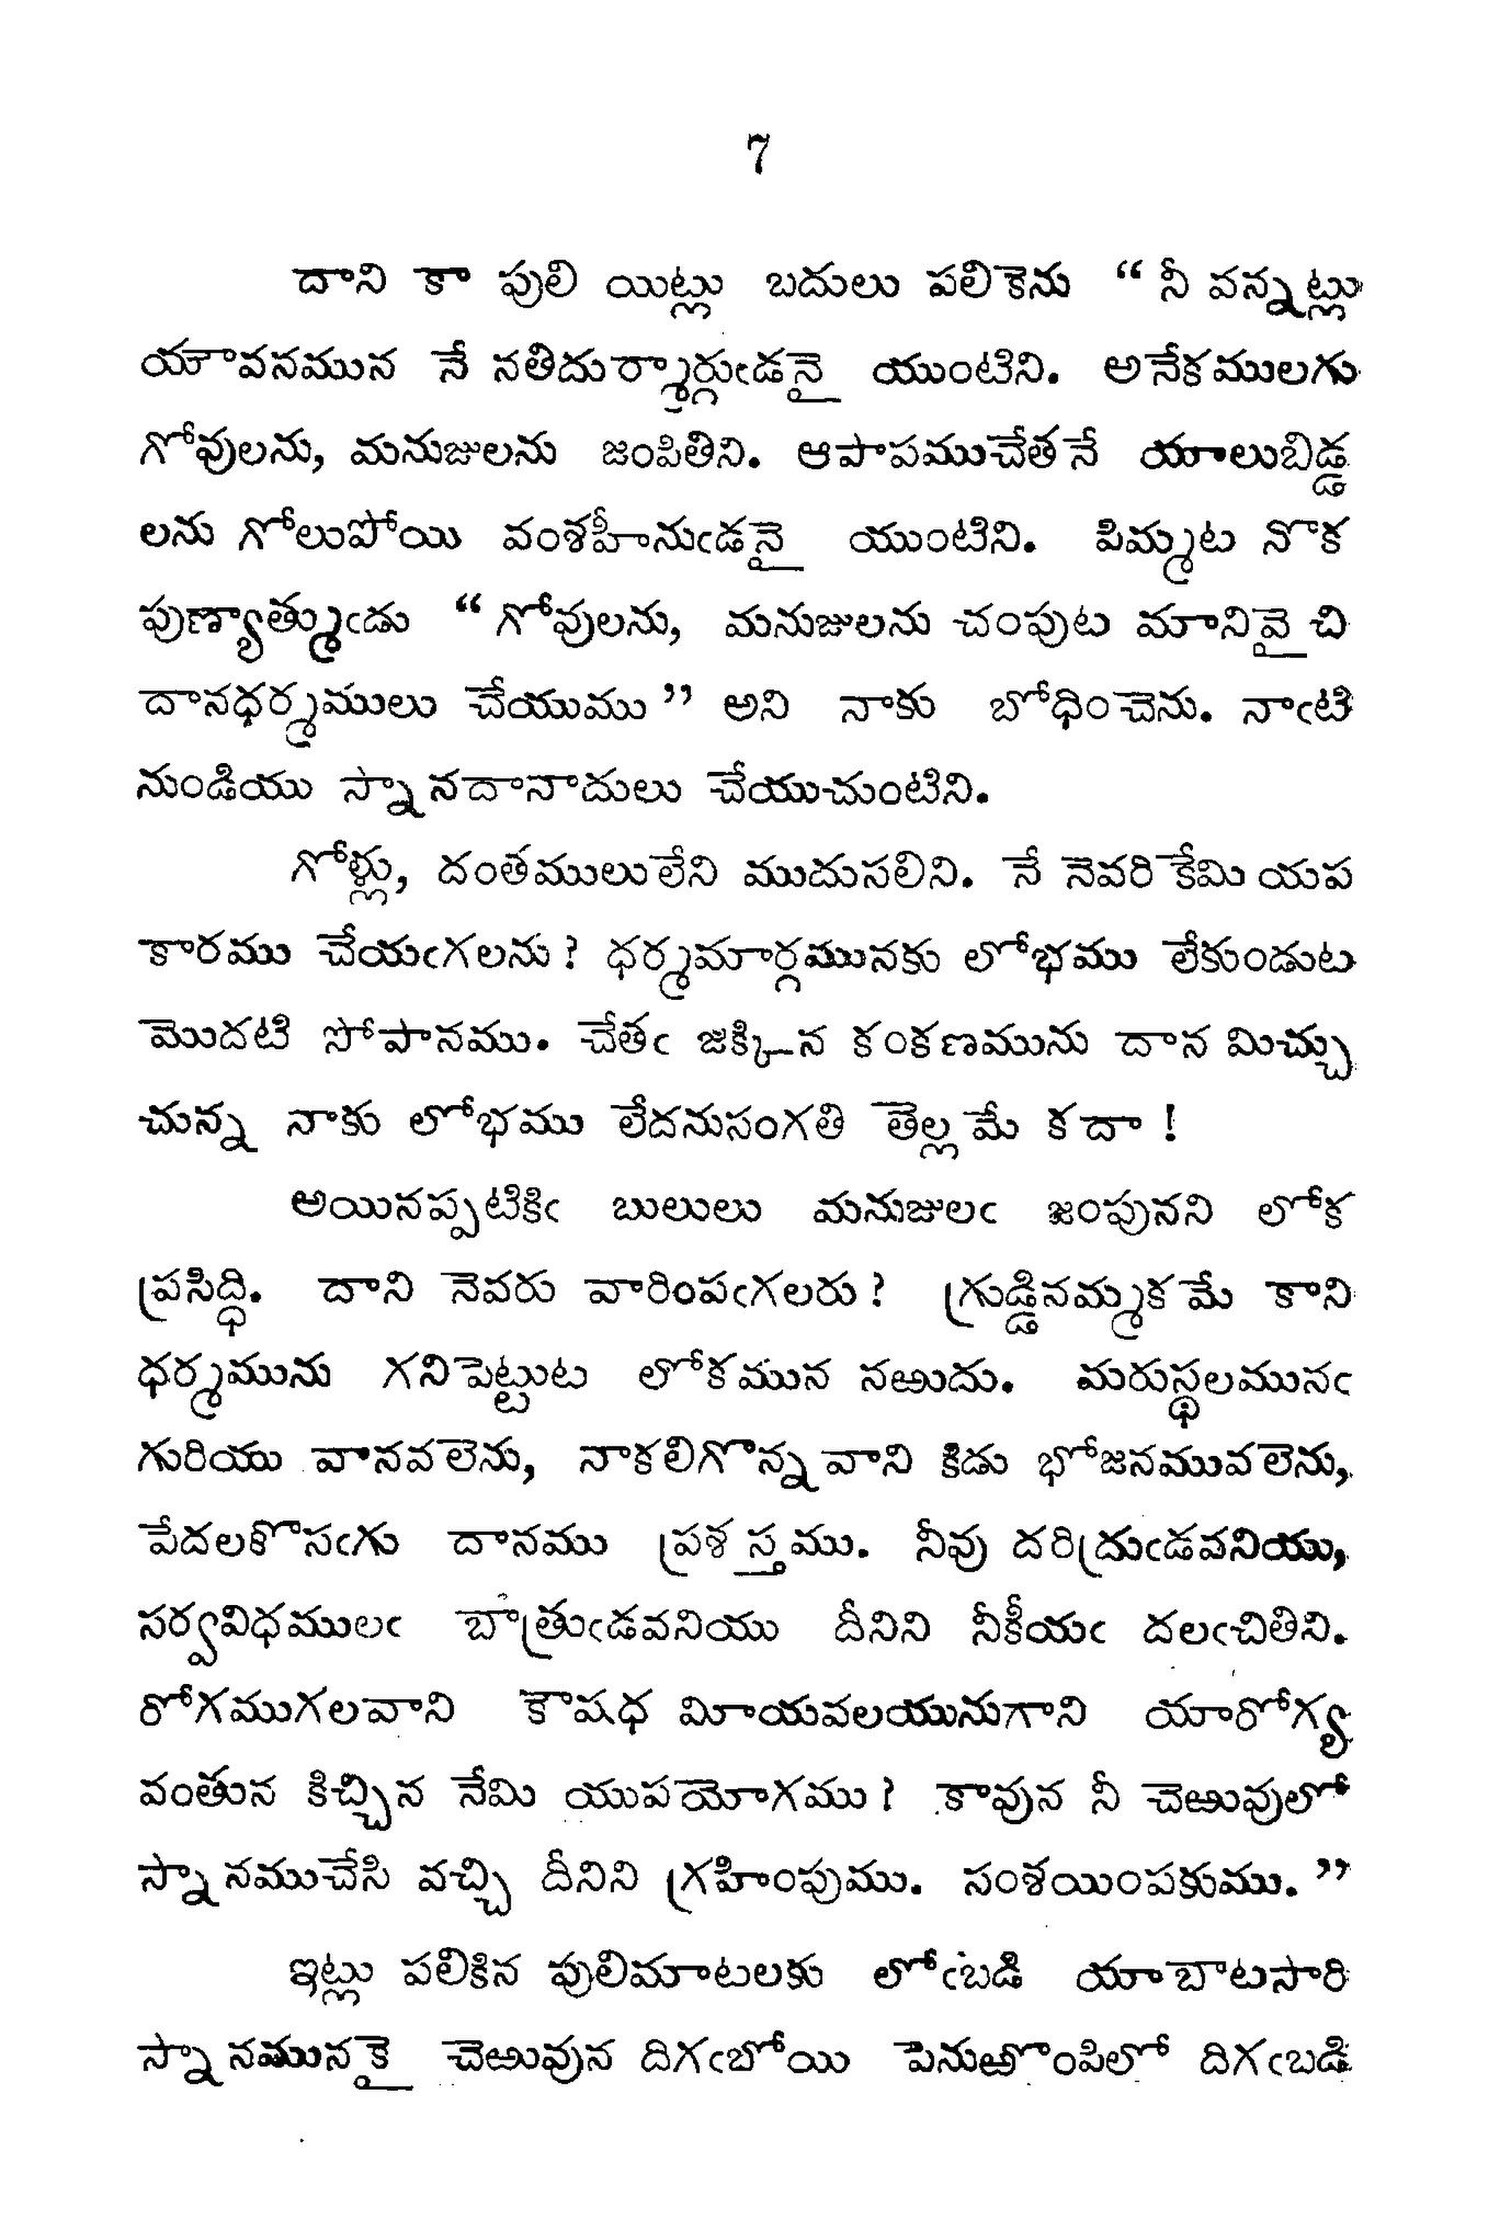దాని కా పులి యిట్లు బదులు పలికెను. "నీ వన్నట్లు యౌవనమున నే నతిదుర్మార్గుడనై యుంటిని. అనేకములగు గోవులను, మనుజులను జంపితిని. ఆపాపముచేతనే యాలుబిడ్డలను గోలుపోయి వంశహీనుడనై యుంటిని. పిమ్మట నొక పుణ్యాత్ముడు "గోవులను, మనుజులను చంపుట మానివైచి దానధర్మములు చేయుము" అని నాకు బోధించెను. నాటి నుండియు స్నానదానాదులు చేయుచుంటిని.

గోళ్లు, దంతములులేని ముదుసలిని. నే నెవరి కేమి యపకారము చేయగలను? ధర్మమార్గమునకు లోభము లేకుండుట మొదటి సోపానము. చేతజిక్కిన కంకణమును దాన మిచ్చుచున్న నాకు లోభము లేదనుసంగతి తెల్లమే కదా!

అయినప్పటికి బులులు మనుజుల జంపునని లోక ప్రసిద్ధి. దాని నెవరు వారింపగలరు? గ్రుడ్డినమ్మకమే కాని ధర్మమును గనిపెట్టుట లోకమున నఱుదు. మరుస్థలమున గురియు వానవలెను, నాకలిగొన్నవాని కిడు భోజనమువలెను, పేదలకొసగు దానము ప్రశస్తము. నీవు దరిద్రుడవనియు, సర్వవిధముల బాత్రుడవనియు దీనిని నీకీయ దలచితిని. రోగముగలవాని కౌషధ మీయవలయునుగాని యారోగ్య వంతున కిచ్చిన నేమి యుపయోగము? కావున నీ చెఱువులో స్నానముచేసి వచ్చి దీనిని గ్రహింపుము. సంశయింపకుము."

ఇట్లు పలికిన పులిమాటలకు లోబడి యాబాటసారి స్నానమునకై చెఱువున దిగబోయి పెనుఱొంపిలో దిగబడి